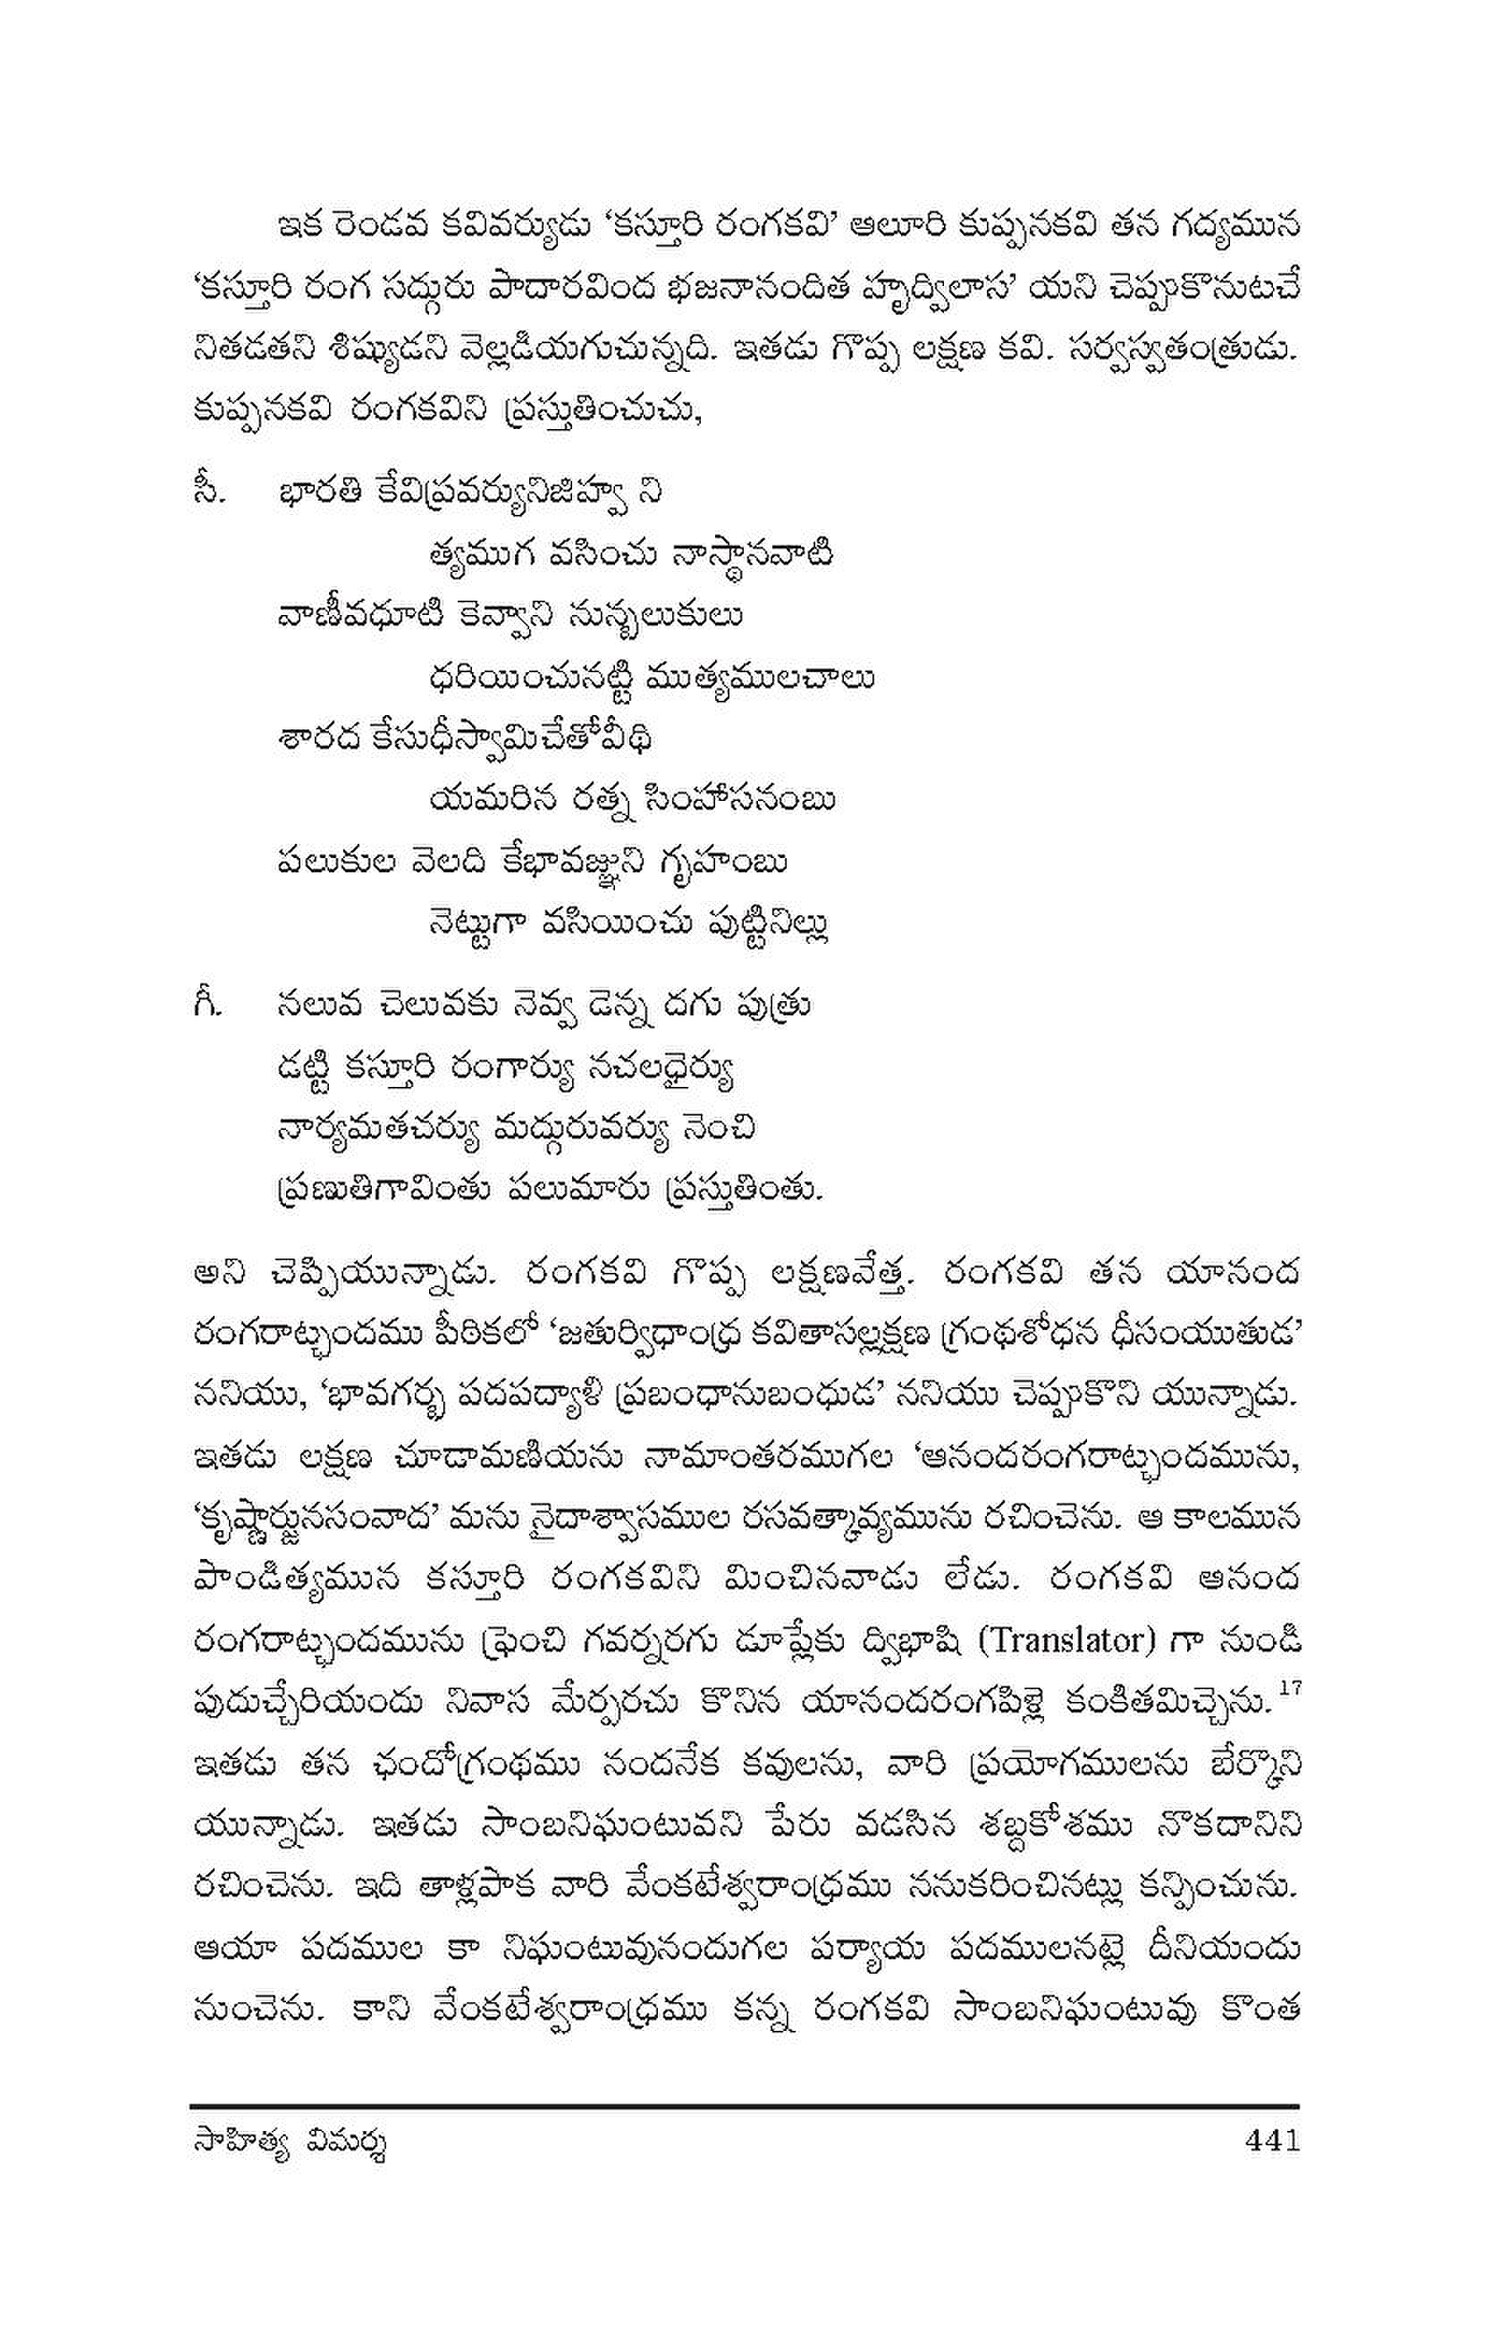ఇక రెండవ కవివర్యుడు 'కస్తూరి రంగకవి' ఆలూరి కుప్పనకవి తన గద్యమున
'కస్తూరి రంగ సద్గురు పాదారవింద భజనానందిత హృద్విలాస' యని చెప్పుకొనుటచే
నితడతని శిష్యుడని వెల్లడియగుచున్నది. ఇతడు గొప్ప లక్షణ కవి. సర్వస్వతంత్రుడు.
కుప్పనకవి రంగకవిని ప్రస్తుతించుచు,

 సీ. భారతి కేవిప్రవర్యునిజిహ్వ ని
 త్యముగ వసించు నాస్థానవాటి
 వాణీవధూటి కెవ్వాని నున్బలుకులు
 ధరియించునట్టి ముత్యములచాలు
 శారద కేసుధీస్వామిచేతోవీథి
 యమరిన రత్న సింహాసనంబు
 పలుకుల వెలది కేభావజ్ఞుని గృహంబు
 నెట్టుగా వసియించు పుట్టినిల్లు

 గీ. నలువ చెలువకు నెవ్వ డెన్న దగు పుత్రు
 డట్టి కస్తూరి రంగారు నచలధైర్యు
 నార్యమతచర్యు మద్గురువర్యు నెంచి
 ప్రణుతిగావింతు పలుమారు ప్రస్తుతింతు.

అని చెప్పియున్నాడు. రంగకవి గొప్ప లక్షణవేత్త. రంగకవి తన యానంద
రంగరాట్ఛందము పీఠికలో 'జతుర్విధాంధ్ర కవితాసలక్షణ గ్రంథశోధన ధీసంయుతుడు
ననియు, 'భావగర్భ పదపద్యాళి ప్రబంధానుబంధుడ' ననియు చెప్పుకొని యున్నాడు.
ఇతడు లక్షణ చూడామణియను నామాంతరముగల 'ఆనందరంగరాట్ఛందమును,
'కృష్ణార్జునసంవాద' మను నైదాశ్వాసముల రసవత్కావ్యమును రచించెను. ఆ కాలమున
పాండిత్యమున కస్తూరి రంగకవిని మించినవాడు లేడు. రంగకవి ఆనంద
రంగరాట్ఛందమును ఫ్రెంచి గవర్నరగు డూప్లేకు ద్విభాషి (Translator) గా నుండి
పుదుచ్చేరియందు నివాస మేర్పరచు కొనిన యానందరంగపిళ్లై కంకితమిచ్చెను17 . 
ఇతడు తన ఛందోగ్రంథము నందనేక కవులను, వారి ప్రయోగములను బేర్కొని
యున్నాడు. ఇతడు సాంబనిఘంటువని పేరు వడసిన శబ్దకోశము నొకదానిని
రచించెను. ఇది తాళ్లపాక వారి వేంకటేశ్వరాంధ్రము ననుకరించినట్లు కన్పించును.
ఆయా పదముల కా నిఘంటువునందుగల పర్యాయ పదములనట్లే దీనియందు
నుంచెను. కాని వేంకటేశ్వరాంధ్రము కన్న రంగకవి సాంబనిఘంటువు కొంత